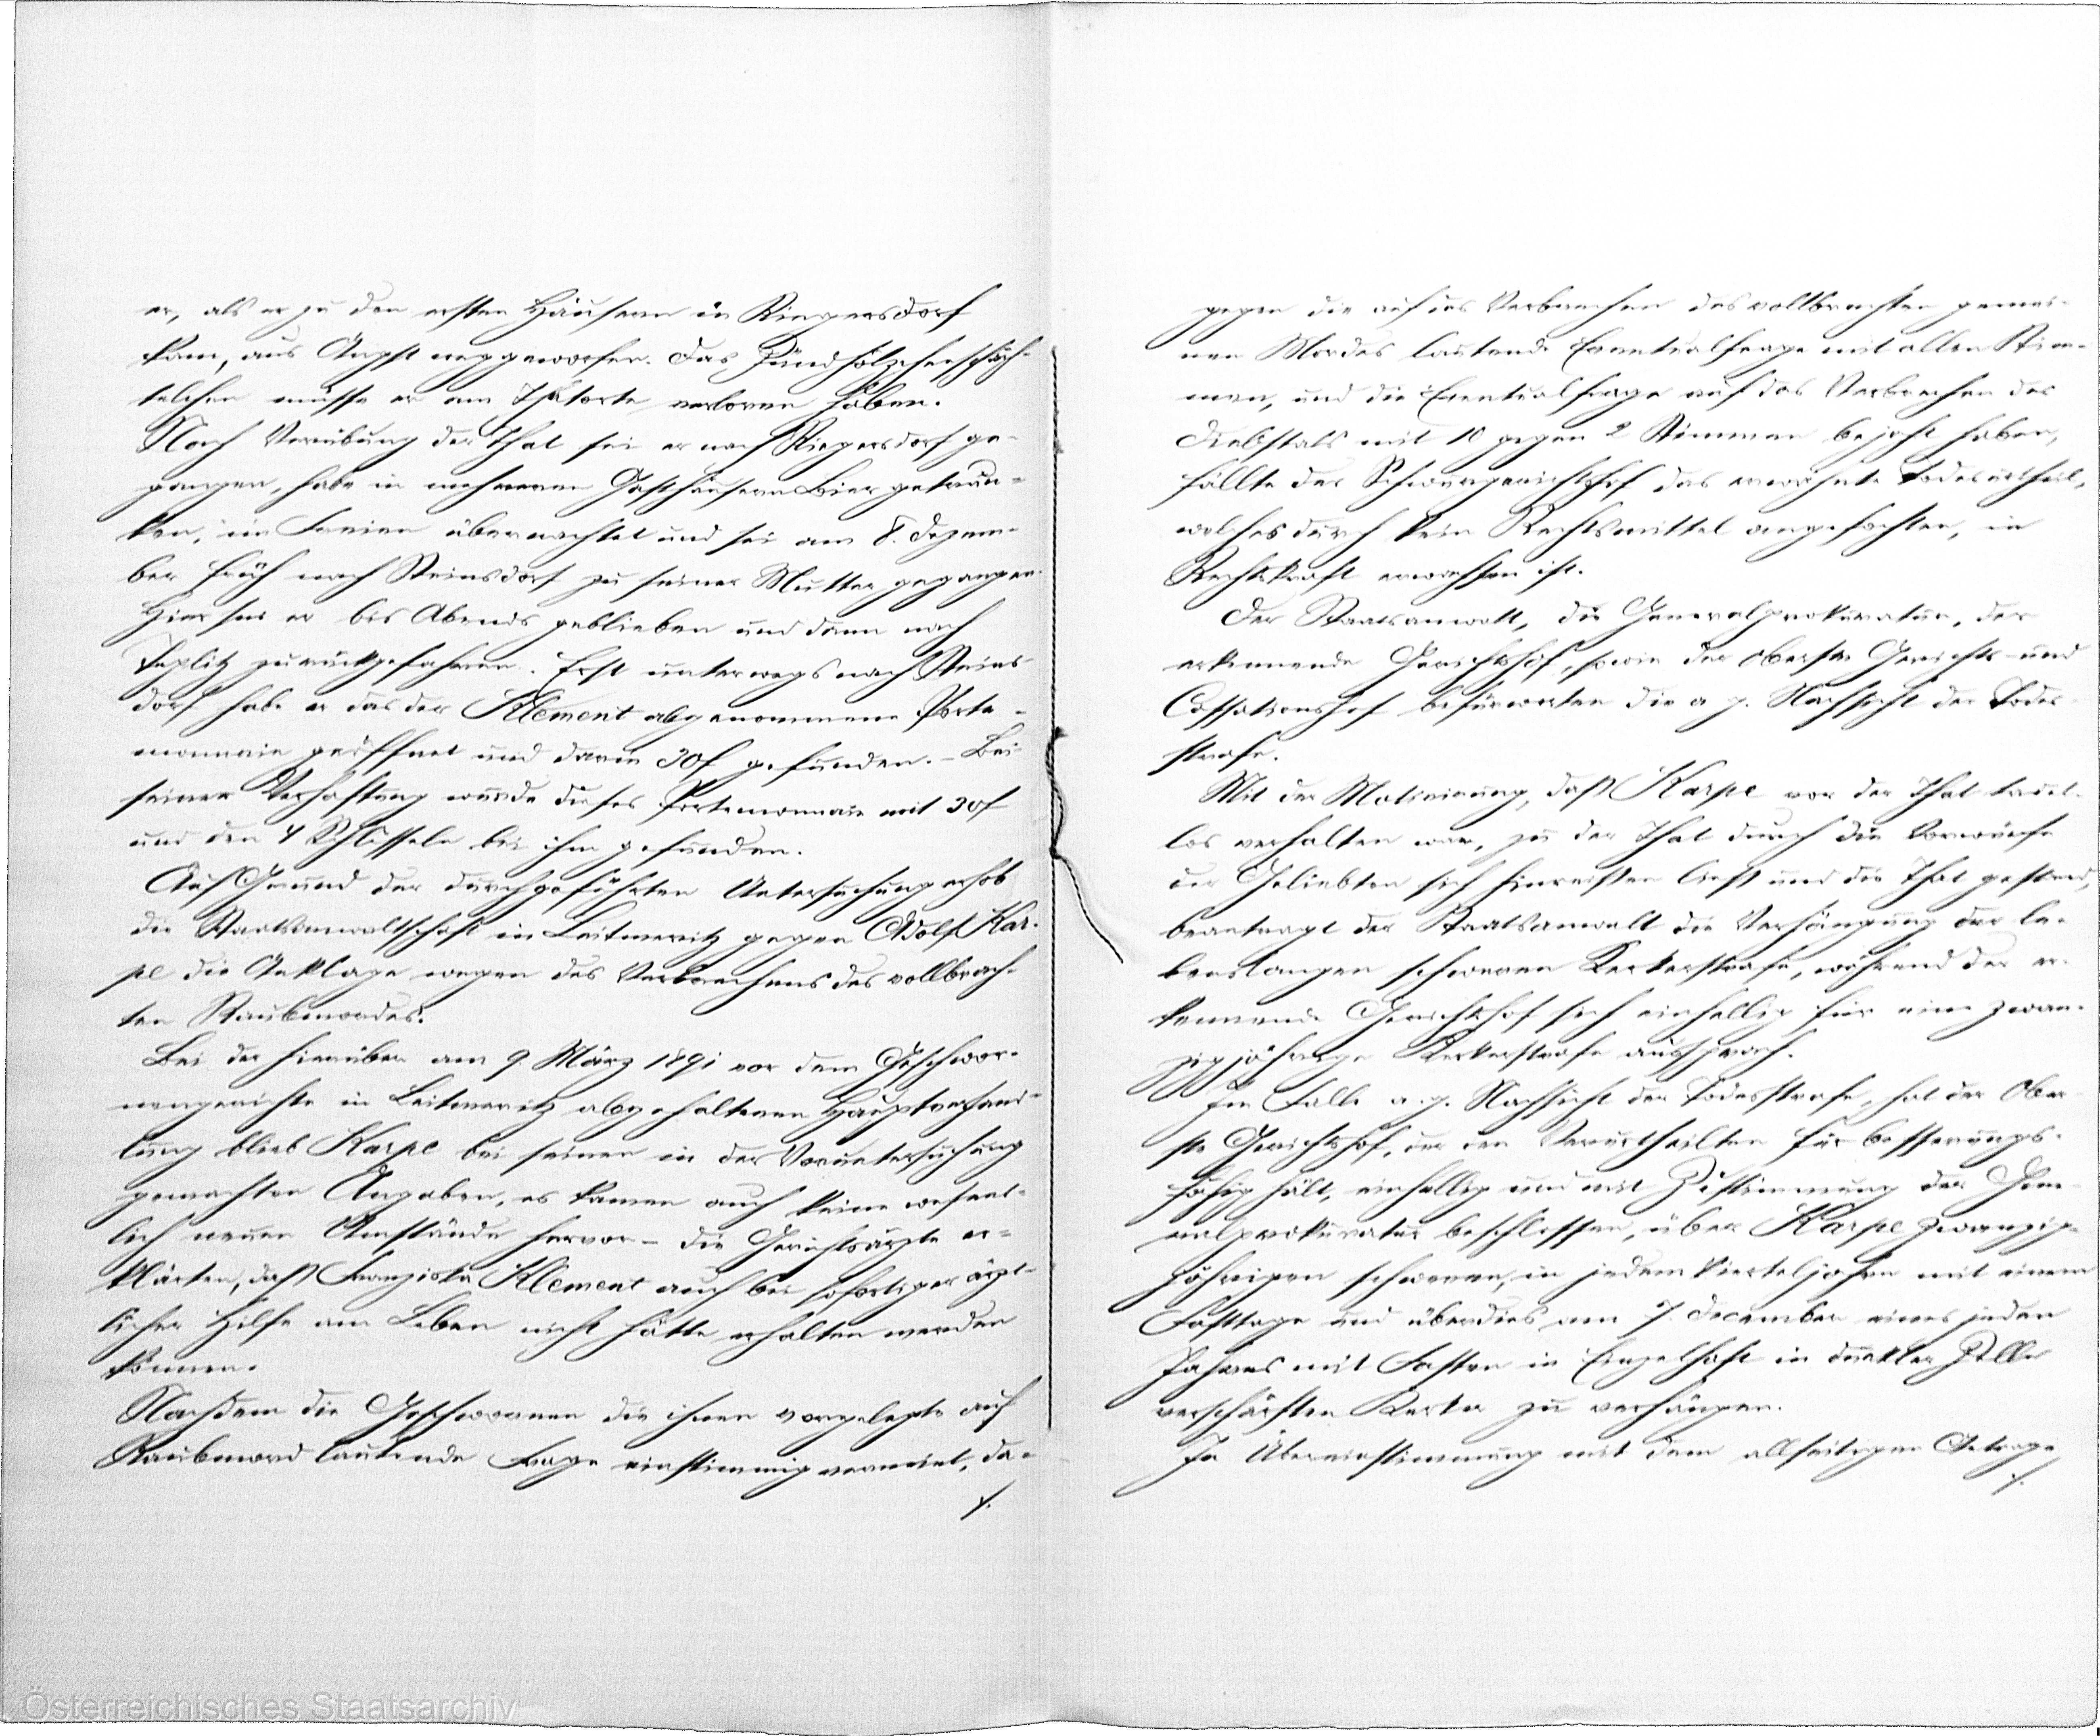er, als er zu den ersten Häusern in Riegersdorf
kam, aus Angst weggeworfen. Das Zündhölzchenschäch¬
telchen müsse er am Thatorte, verloren haben.
Noch Verübung der That sei er nach Riegersdorf ge¬
gangen, habe in mehreren Gasthäusern Bier getrun¬
ken, im Freien übernachtet und sei am 8. Dezem¬
ber früh nach Steinsdorf zu seiner Mutter gegangen.
Hier hat er bis Abends geblieben und dann noch
Teplitz zurückgefahren. Erst unterwegs nach Steins¬
dorf habe er das der Klement abgenommene Porte¬
monnaie geöffnet und davon 30f gefunden. Bei
seiner Verhaftung wurde dieses Portemonnaie mit 30f
und die 4 Schlüsseln bei ihm gefunden.
Auf Grund der durchgeführten Untersuchung erhob
die Staatsanwaltschaft in Leitmaritz gegen Adolf Kar¬
pe die Anklage wegen des Verbrechens des vollbrach¬
ten Raubmordes:
Bei der hierüber am 9. März 1891 vor dem Geschwor¬
negerichte in Leitmaritz abgehaltenen Hauptverhand¬
lung blieb Karpe bei seiner in der Voruntersuchung
gemachten Angaben, es kamen auch keine wesent¬
lich neuen Umstände hervor – die Gerichtsärzte er¬
klärten, daß Franziska Klement auch bei sofortiger ärzt¬
licher Hilfe am Leben nicht hätte erhalten werden
können.
Nachdem die Geschworenen, die ihnen vorgelegte auf
int, da Raubmord lautende Frage einstimmig verneint, da¬
gegen die auf das Verbrechen des volbrachten gemei¬
nen Mordes lautende Eventualfrage mit allen Stim¬
men, und die Eventualfrage auf das Verbrechen des
Diebstals mit 10 gegen 2 Stimmen bejaht haben,
fällte der Schwurgerichtshof das erwähnte Todesurtheil,
welches durch kein Rechtsmittel angefochten, in
Rechtskraft erwachsen ist.
Der Staatsanwalt, die Generalprokuratur, der
erkennende Gerichtshof, sowie der oberste Gerichts- und
Cassationshof befürworten die a.g. Nachsicht der Todes¬
strafe.
Mit der Motivirung, daß Karpe vor der That tadel¬
los verhalten war, zu der That durch die Vorwürfe
der Geliebten sich hinreißen ließ und die That gestand
beantragt der Staatsanwalt die Verhängung der le¬
benslangen schweren Kerkerstrafe, während der er¬
kennende Gerichtshof sich einhellig für eine zwan¬
zigjährige Kerkerstrafe aussprach.
Im Falle a.g. Nachsicht der Todesstrafe, hat der Ober¬
ste Gerichtshof, der den Verurtheilten für besserungs¬
fähig hält, einhellig und mit Zustimmung der Gene¬
ralprokuratur beschlossen, über Karpe zwanzig¬
jährigen schweren, in jedem Vierteljahre mit einem
Fasttage und überdies am 7.December eines jeden
Jahres mit Fasten in Einzelhaft in dunkler Zelle
verschärften Kerker zu verhängen.
In Übereinstimmung mit dem allseitigen Antrage